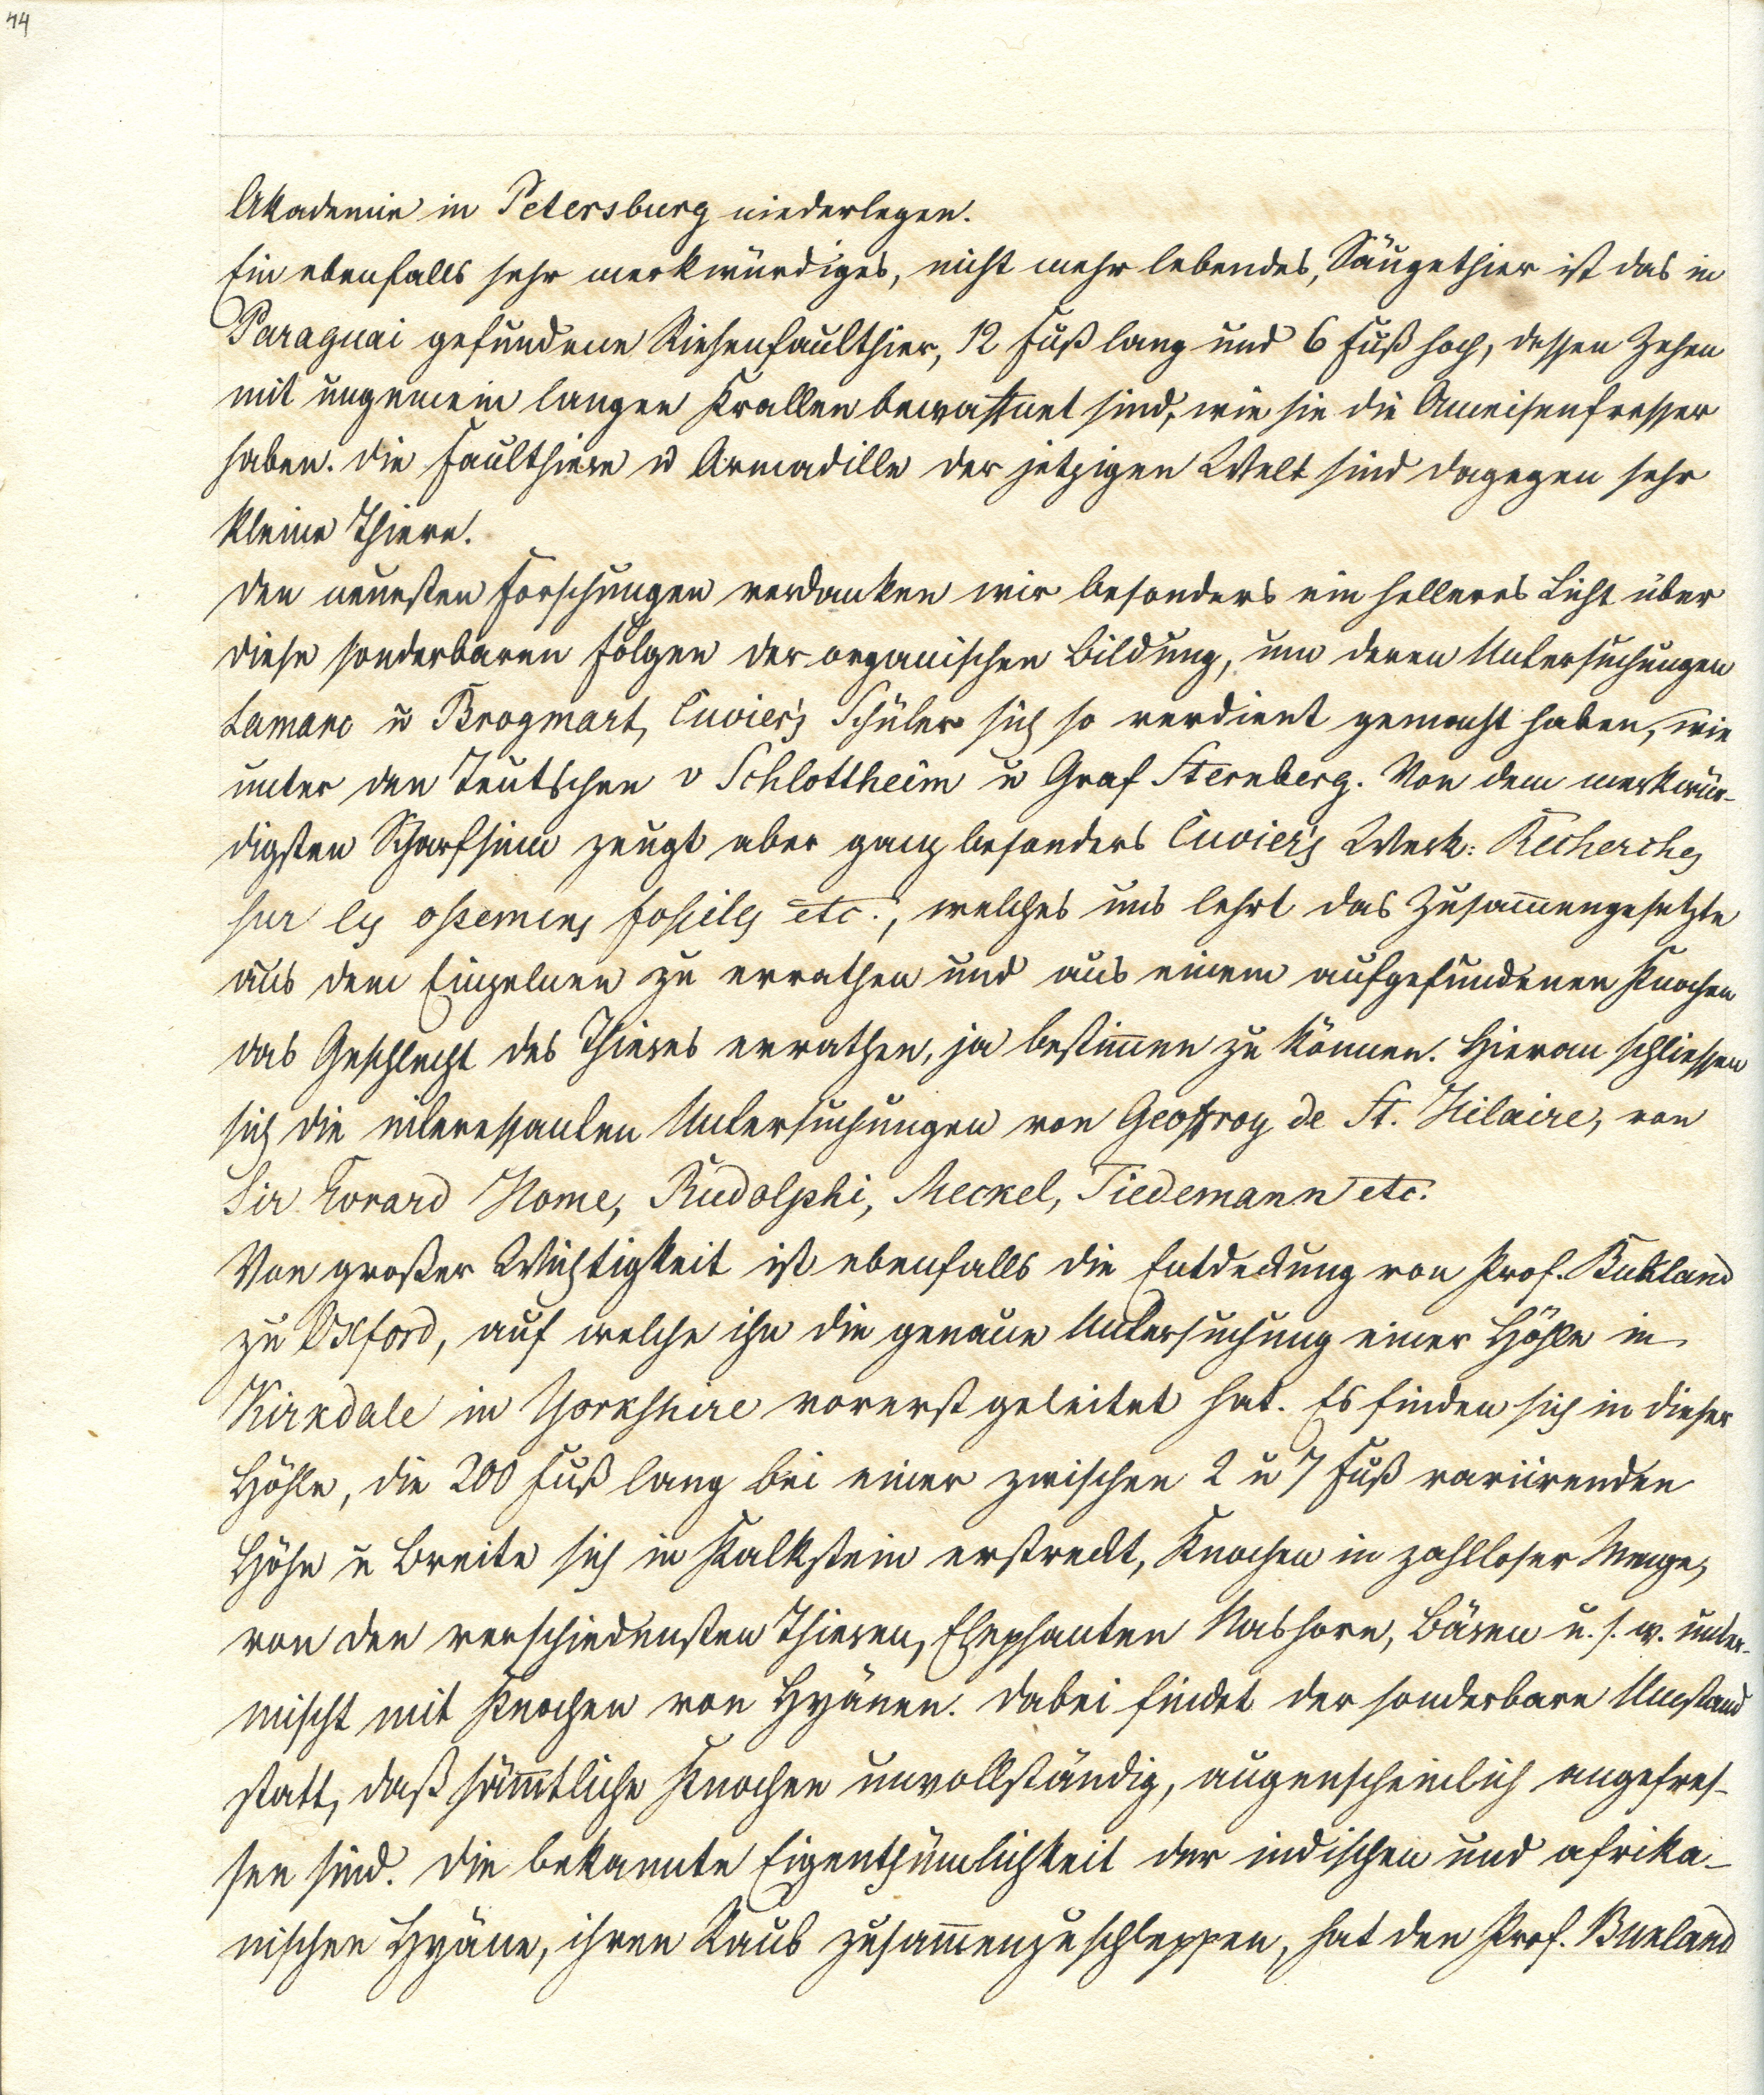Akademie in Petersburg niederlegen.
Ein ebenfalls sehr merkwürdiges, nicht mehr lebendes, Säugethier, ist das in
Paraguai gefundene Riesenfaulthier, 12 Fuß lang und 6 Fuß hoch, dessen Zehen
mit ungemein langen Krallen bewaffnet sind, wie sie die Ameisenfresser
haben. Die Faulthiere u Armadille der jetzigen Welt sind dagegen sehr
kleine Thiere.
Den neuesten Forschungen verdanken wir besonders ein helleres Licht über
diese sonderbaren Folgen der organischen Bildungen, um deren Untersuchungen
Lamarc, u Brogniart, Cuvier’s Schüler sich so verdient gemacht haben, wie
unter den Teutschen v. Schlotheim, u Graf Sternberg. Von dem merkwür-
digsten Scharfsinn zeugt aber ganz besonders Cuvier’s Werk: Recherches
sur les ossemens fossiles etc., welches uns lehrt das Zusam̃engesetzte
aus dem Einzelnen zu errathen und aus einem aufgefundenen Knochen
das Geschlecht des Thieres errathen, ja bestim̃en zu können. Hieran schliessen
sich die interessanten Untersuchungen von Geoffroy de St. Hilaire, von
Sir Evrard Home, Rudolphi, Meckel, Tiedemann etc.
Von großer Wichtigkeit ist ebenfalls die Entdeckung von Prof. Bukland
zu Oxford, auf welche ihn die genaue Untersuchung einer Höhle in
Kirkdale in Yorkshire vorerst geleitet hat. Es finden sich in dieser
Höhle, die 200 Fuß lang bei einer zwischen 2 u 7 Fuß variirenden
Höhe u Breite sich in Kalkstein erstreckt, Knochen in zahlloser Menge,
von den verschiedensten Thieren, Elephanten, Nashorn, Bären u. s. w. unter-
mischt mit Knochen von Hyänen. Dabei findet der sonderbare Umstand
statt, daß säm̃tliche Knochen unvollständig, augenscheinlich angefres-
sen sind. Die bekannte Eigenthümlichkeit der indischen und afrika-
nischen Hyäne, ihren Raub zusam̃enzuschleppen, hat den Prof. Bukland